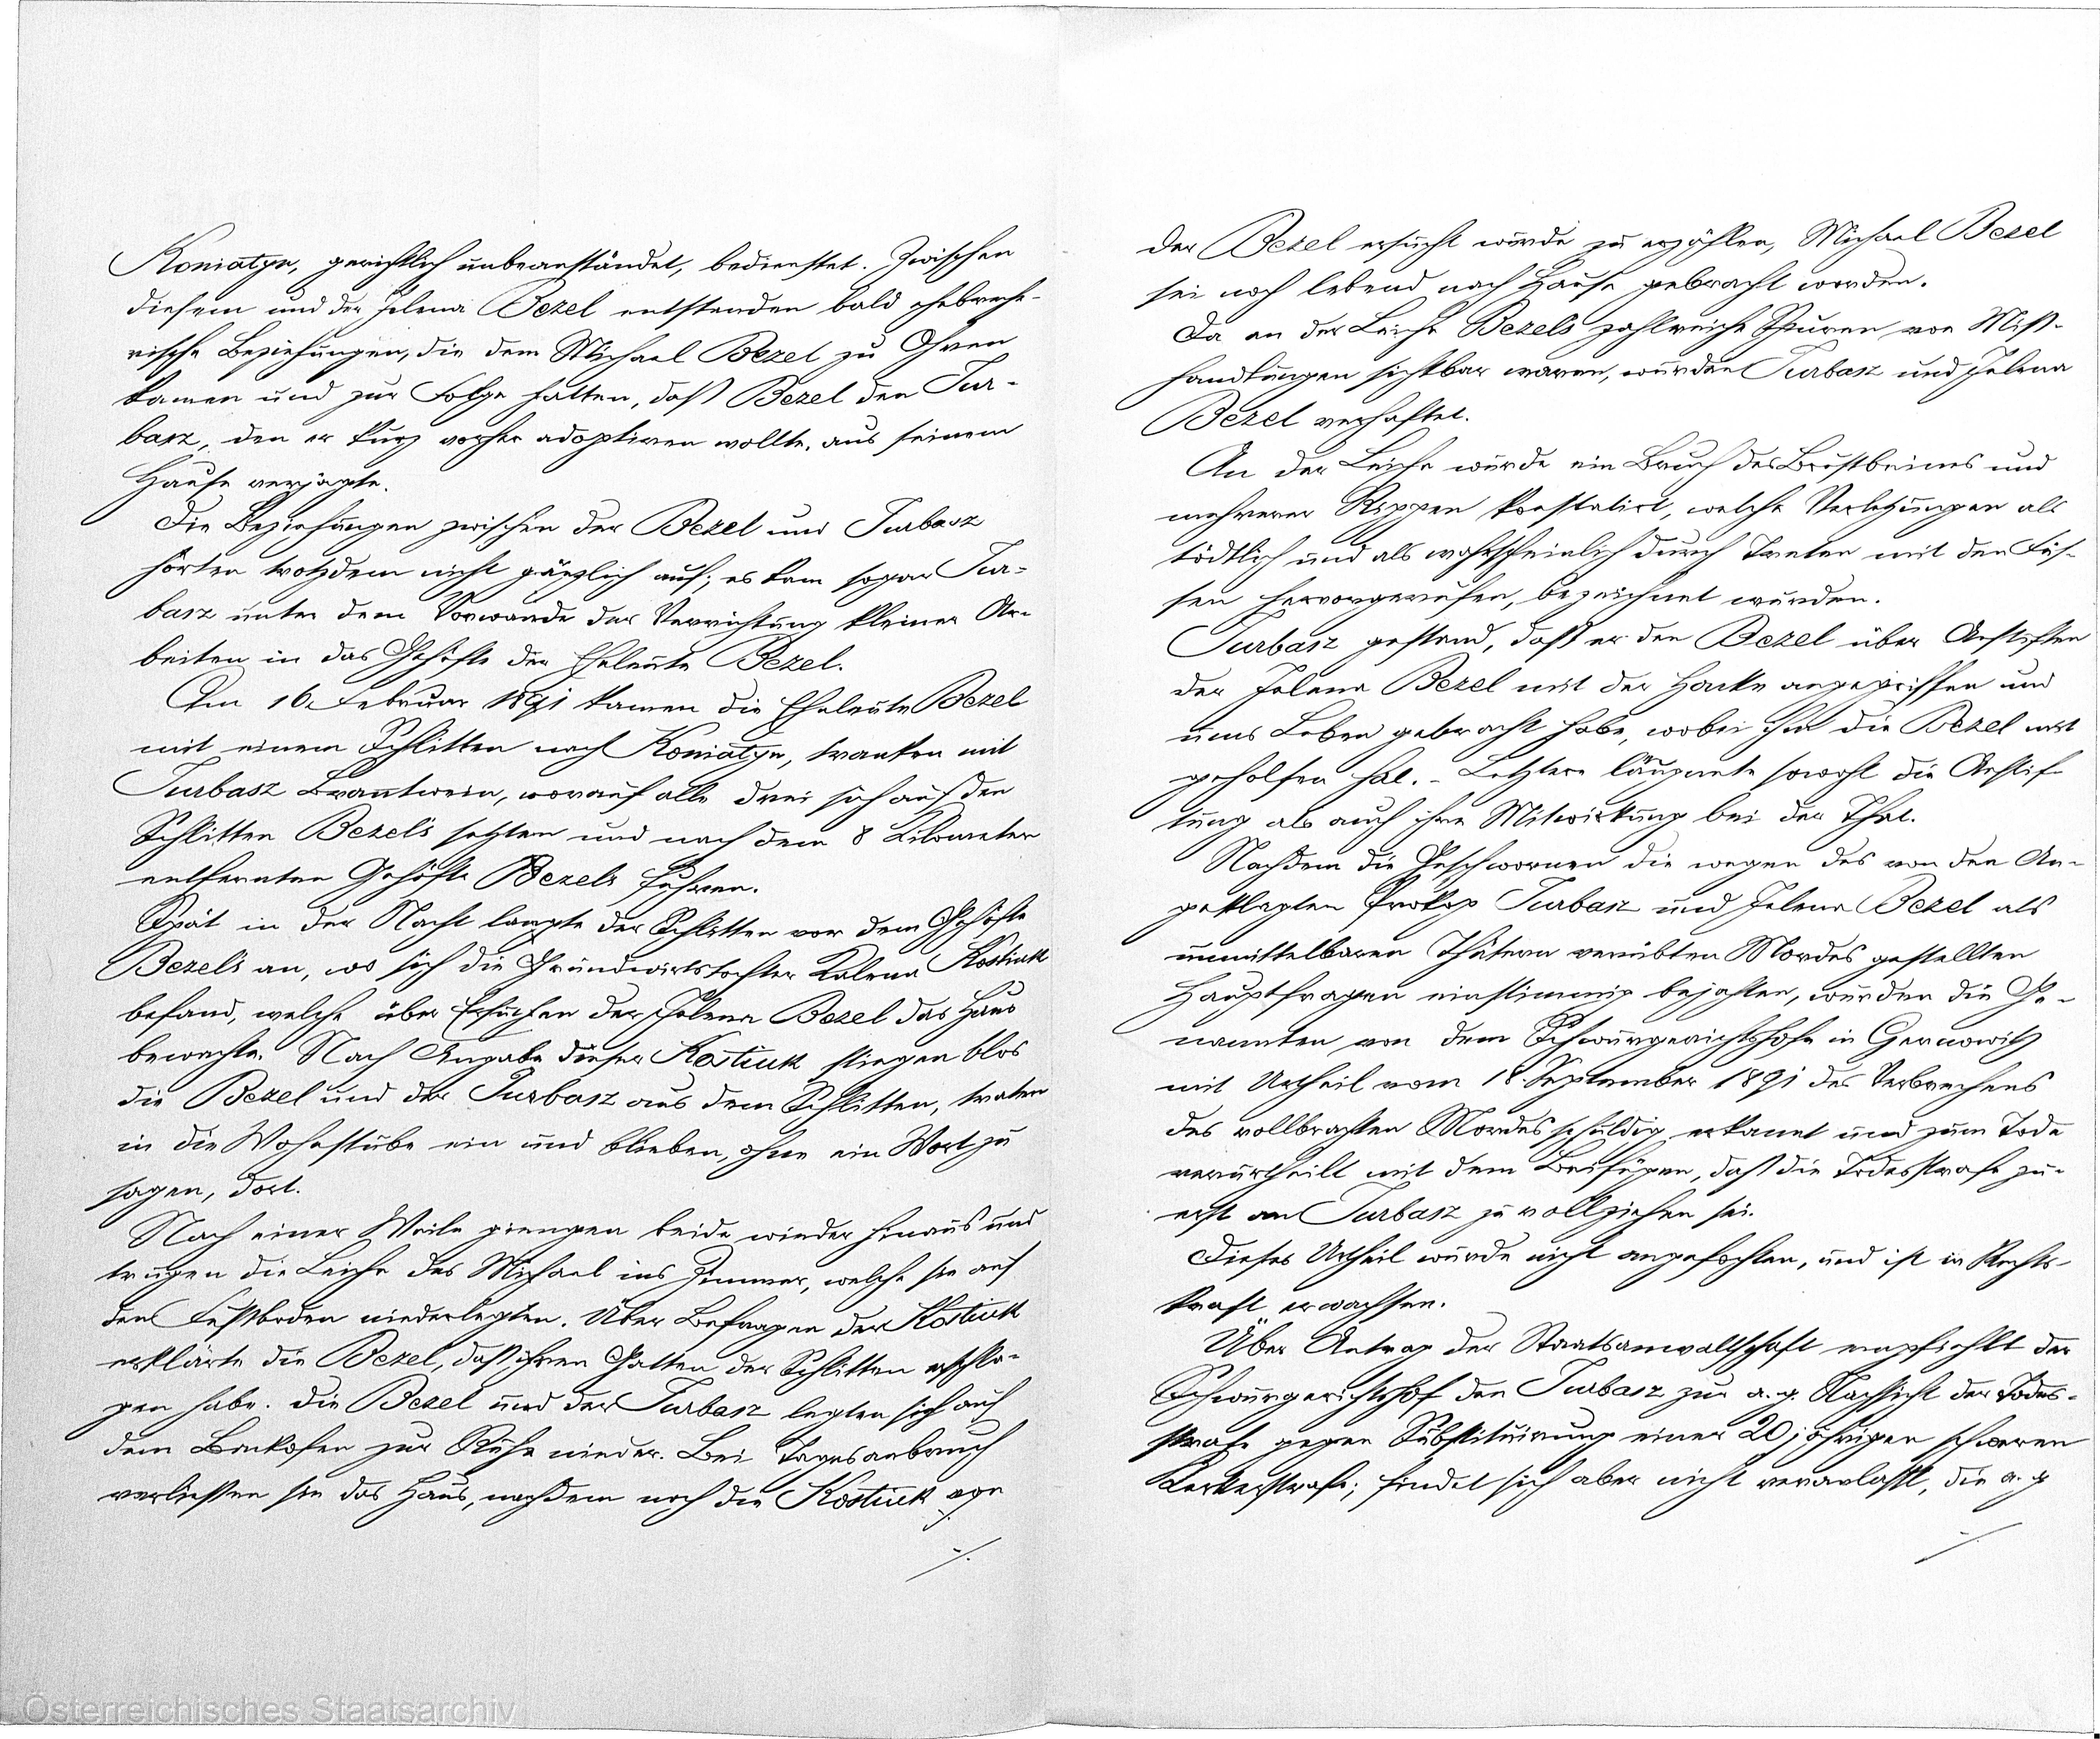Koniatyn, gerichtlich unbeanständet, bedienstet. Zwischen
diesem und der Jelena Bezel entstanden bald ehebreche¬
rische Beziehungen, die dem Michael Bezel zu Ohren
kamen und zur Folge hatten, daß Bezel den Iur¬
basz, den er kurz vorher adoptiren wollte, aus seinem
Hause verjagte.
Die Beziehungen zwischen der Bezel und Iurbasz
hörten trotzdem nicht gänzlich auf; es kam sogar Iur¬
basz unter dem Vorwande der Verrichtung kleiner Ar¬
beiten in das Gehöfte der Eheleute Bezel.
Am 16. Februar 1891 kamen die Eheleute Bezel
mit einem Schlitten nach Koniatyn, tranken mit
Iurbasz Branntwein, worauf alle drei sich auf den
Schlitten Bezel’s setzten und nach dem 8 Kilometer
entfernten Gehöfte Bezels fuhren.
Spät in der Nacht langte der Schlitten vor dem Gehöfte
Bezel’s an, wo sich die Grundwirthstochter Kalene Kostiuk
befand, welche über Ersuchen der Jelena Bezel das Haus
bewachte. Nach Angabe dieser Kostiuk stiegen blos
die Bezel und der Iurbasz aus dem Schlitten, traten
in die Wohnstube ein und blieben, ohne ein Wort zu
sagen, dort.
Nach einer Weile giengen beide wieder hinaus und
trugen die Leiche des Michael ins Zimmer, welche sie auf
den Fußboden wiederlegten. Über Befragen der Kostiuk
erklärte die Bezel, daß ihren Gatten der Schlitten erschla¬
gen habe. Die Bezel und der Iurbasz legten sich auf
dem Bankofen zur Ruhe wieder. Bei Tagesanbruch
verließ sie das Haus, nachdem noch die Kostiuk von
der Bezel ersucht wurde zu erzählen, Michael Bezel
sei noch lebend nach Hause gebracht werden.
Da an der Leiche Bezel’s zahlreiche Spuren von Miß¬
handlungen sichtbar waren, wurden Iurbasz und Jelena
Bezel verhaftet.
An der Leiche wurde ein Bruch des Brustbeines und
mehrerer Rippen konstatirt, welche Verletzungen als
tödtlich und als wahrscheinlich durch treten mit den Füs¬
sen hervorgerufen, bezeichnet werden.
Iurbasz gestand, daß er den Bezel über Anstiften
der Jelena Bezel mit der Hacke angegriffen und
ums Leben gebracht habe, wobei ihm die Bezel mit¬
geholfen hat. Letztere läugnete sowohl die Anstif¬
tung als auch ihre Mitwirkung bei der That.
Nachdem die Geschorene die wegen des von dn An¬
geklagten Prokop Iurbasz und Jelena Bezel als
unmittelbaren Thätern verübten Mordes gestellten
Hauptfagen einstimmig bejahten, wurden die Ge¬
nannten von dem Schwurgerichtshofe in Czernowitz
mit Urtheil vom 18 September 1891 des Verbrechens
des vollbrachten Mordes schuldig erkannt und zum Tode
verurtheilt mit dem Beifügen, daß die Todesstrafe zu¬
erst an Iurbasz zu vollziehen sei.
Dieses Urtheil wurde nicht angefochten, und ist in Rechts¬
kraft erwachsen.
Über Antrag der Staatsanwaltschaft empfiehlt der
Schwurgerichtshof den Iurbasz zur a.g. Nachsicht der Todes¬
strafe gegen Substituirung einer 20jährigen schweren
Kerkerstrafe; findet sich aber nicht veranlaßt, die a.g.